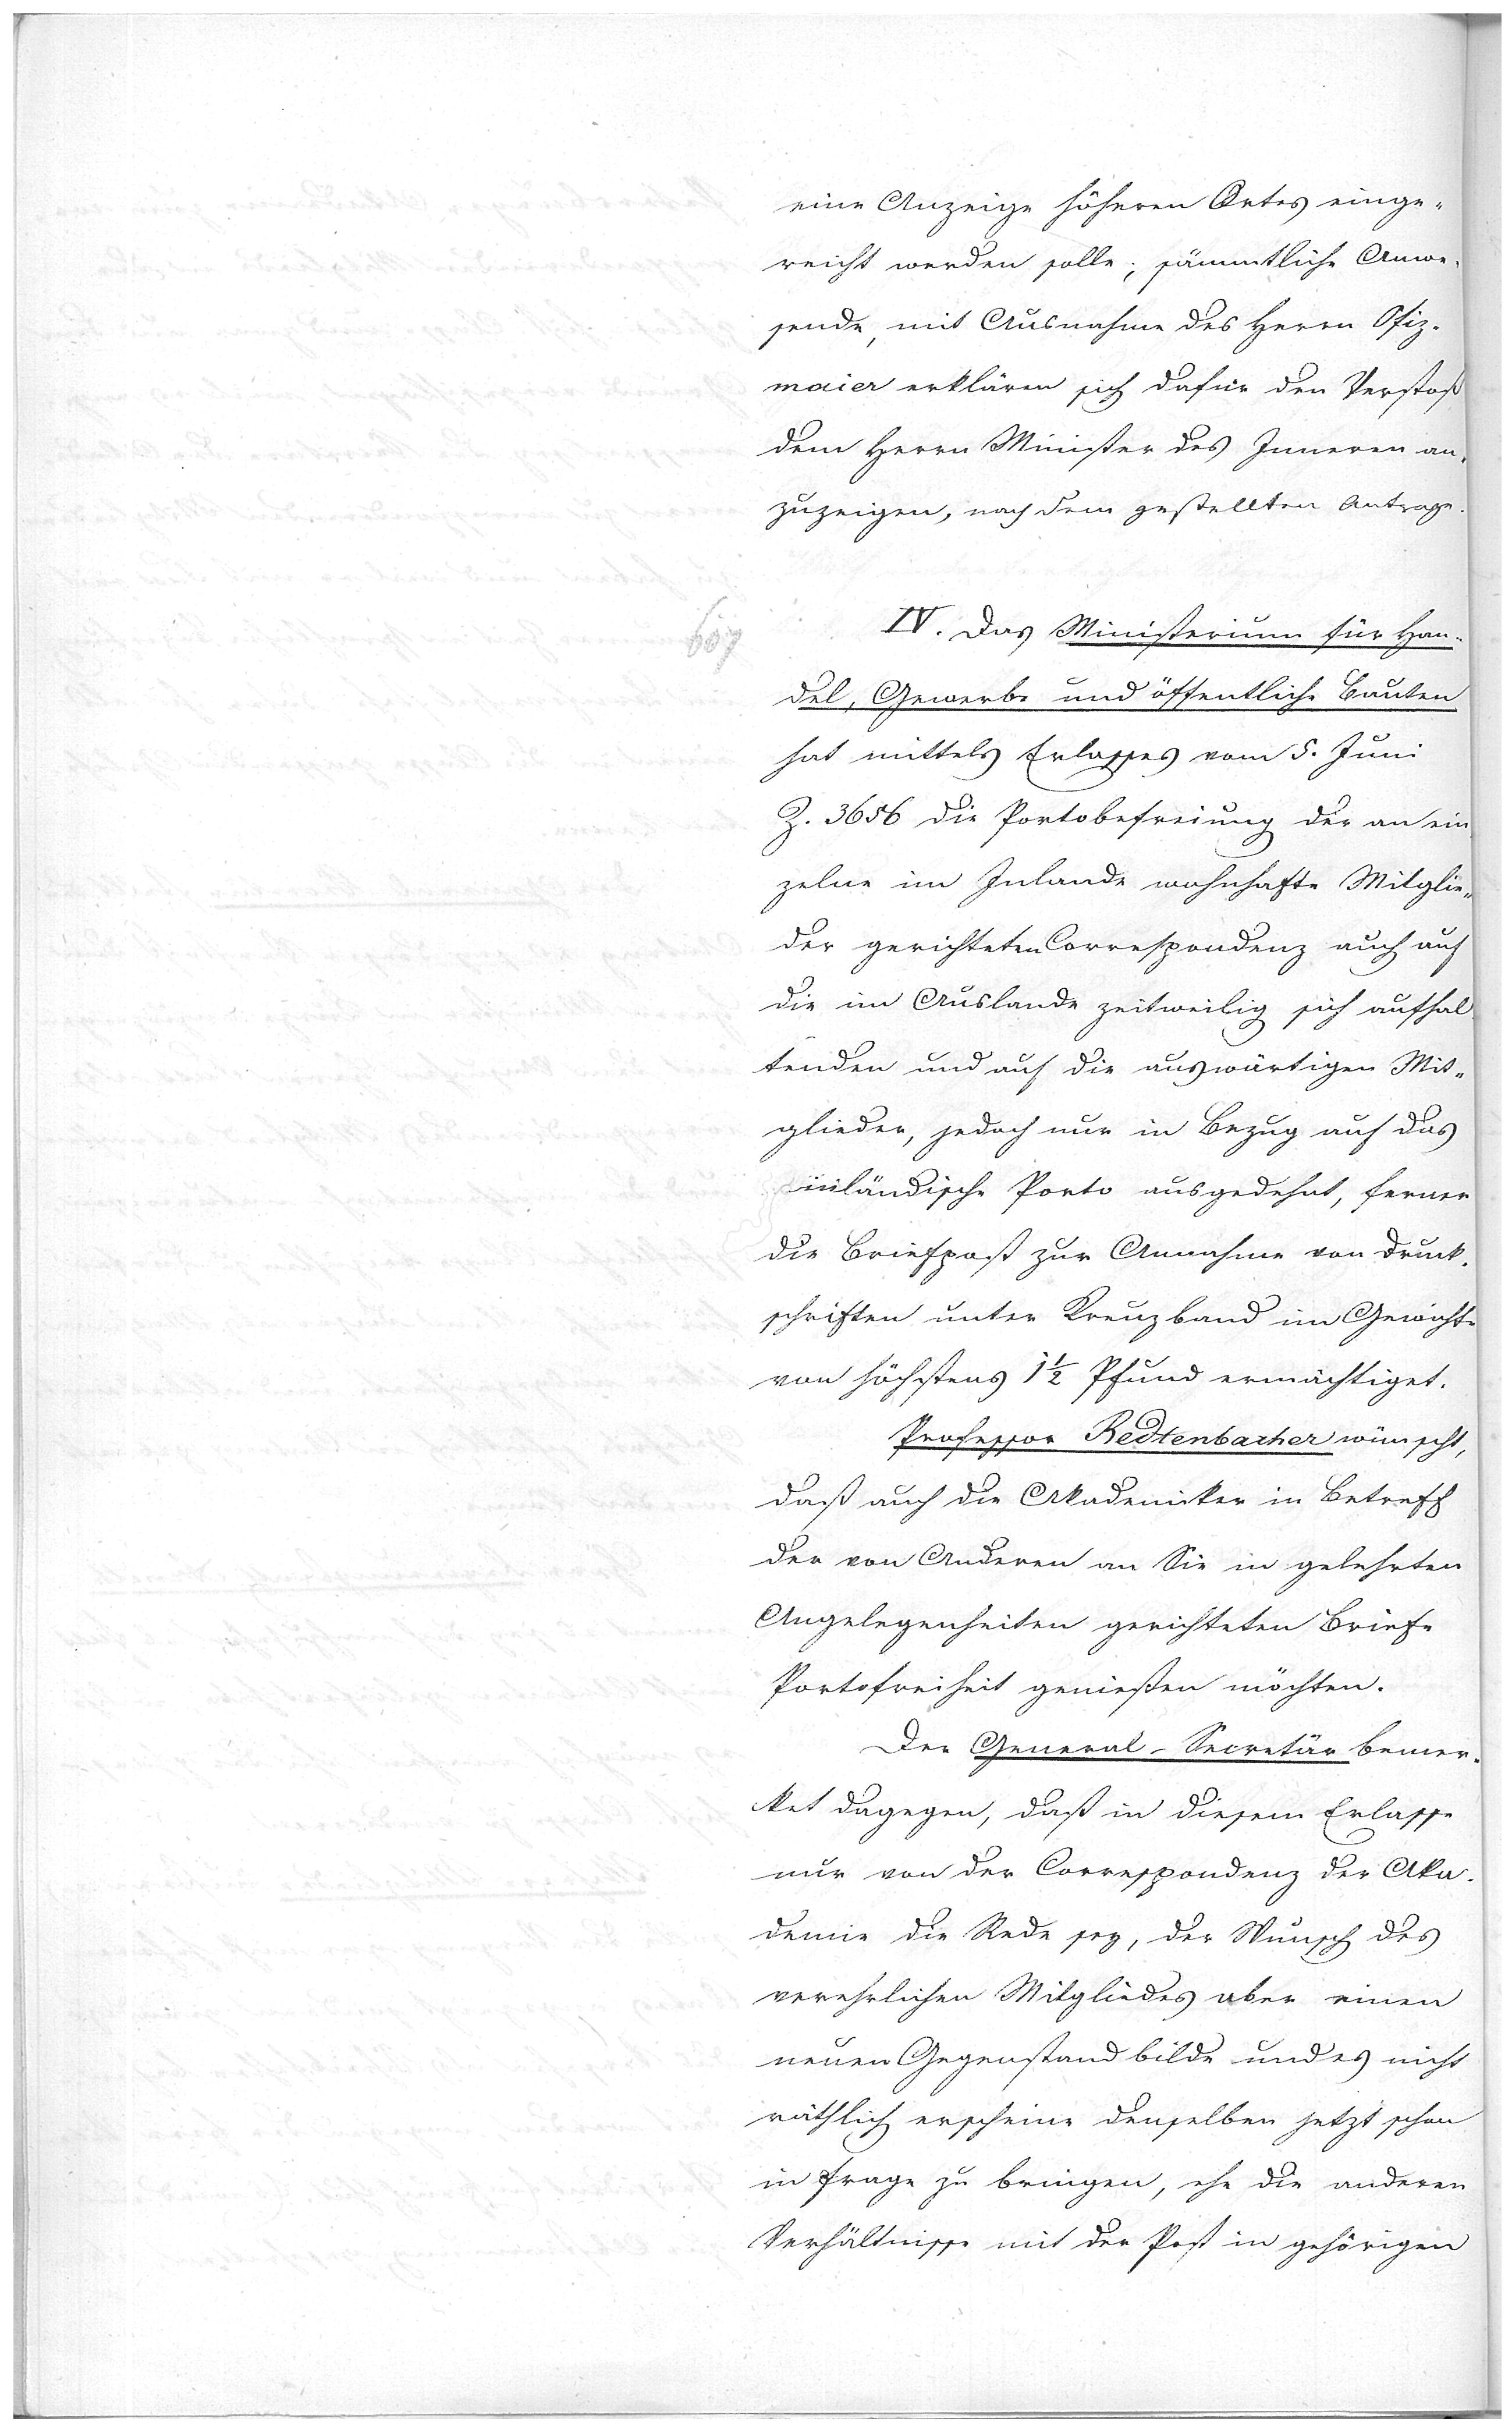eine Anzeige höheren Ortes einge-
reicht werden solle; sämmtliche Anwe-
sende, mit Ausnahme des Herrn Pfiz-
maier erklären sich dafür den Verstoß
dem Herrn Minister des Inneren an-
zuzeigen, nachdem gestellten Antrage.
IV. Das Ministerium für Han-
del, Gewerbe und öffentlich Bauten
hat mittels Erlasses vom 5. Juni
Z. 3656 die Portobefeiung der an ein-
zelne im Inlande wohnhaften Mitglie-
der gerichteten Correspondenz auch auf
die im Auslande zeitweilig sich aufhal-
tenden und auf die auswärtigen Mit-
glieder, jedoch nur in Bezug auf das
inländische Poeto ausgedehnt, ferner
die Briefpost zur Annahme von Druck-
schriften unter Kreuzband im Gewichte
von höchstens 1 1/2 Pfund ermächtiget.
Professor Redtenbacher wünscht,
daß auch die Akademiker in Betreff
der von Anderen an Sie in gelehrten
Angelegenheiten gerichteten Briefe
Portofreiheit genießen möchten.
Der General-Secretär bemer-
ket dagegen, daß in diesem Erlasse
nur von der Correspondenz der Aka-
demie die Rede sey, der Wunsch des
verehrlichen Mitgliedes aber einen
neuen Gegenstand beide und es nicht
räthlich erscheine denselben jetzt schon
in Frage zu bringen, ehe die anderen
Verhältnisse mit der Post in gehörigen